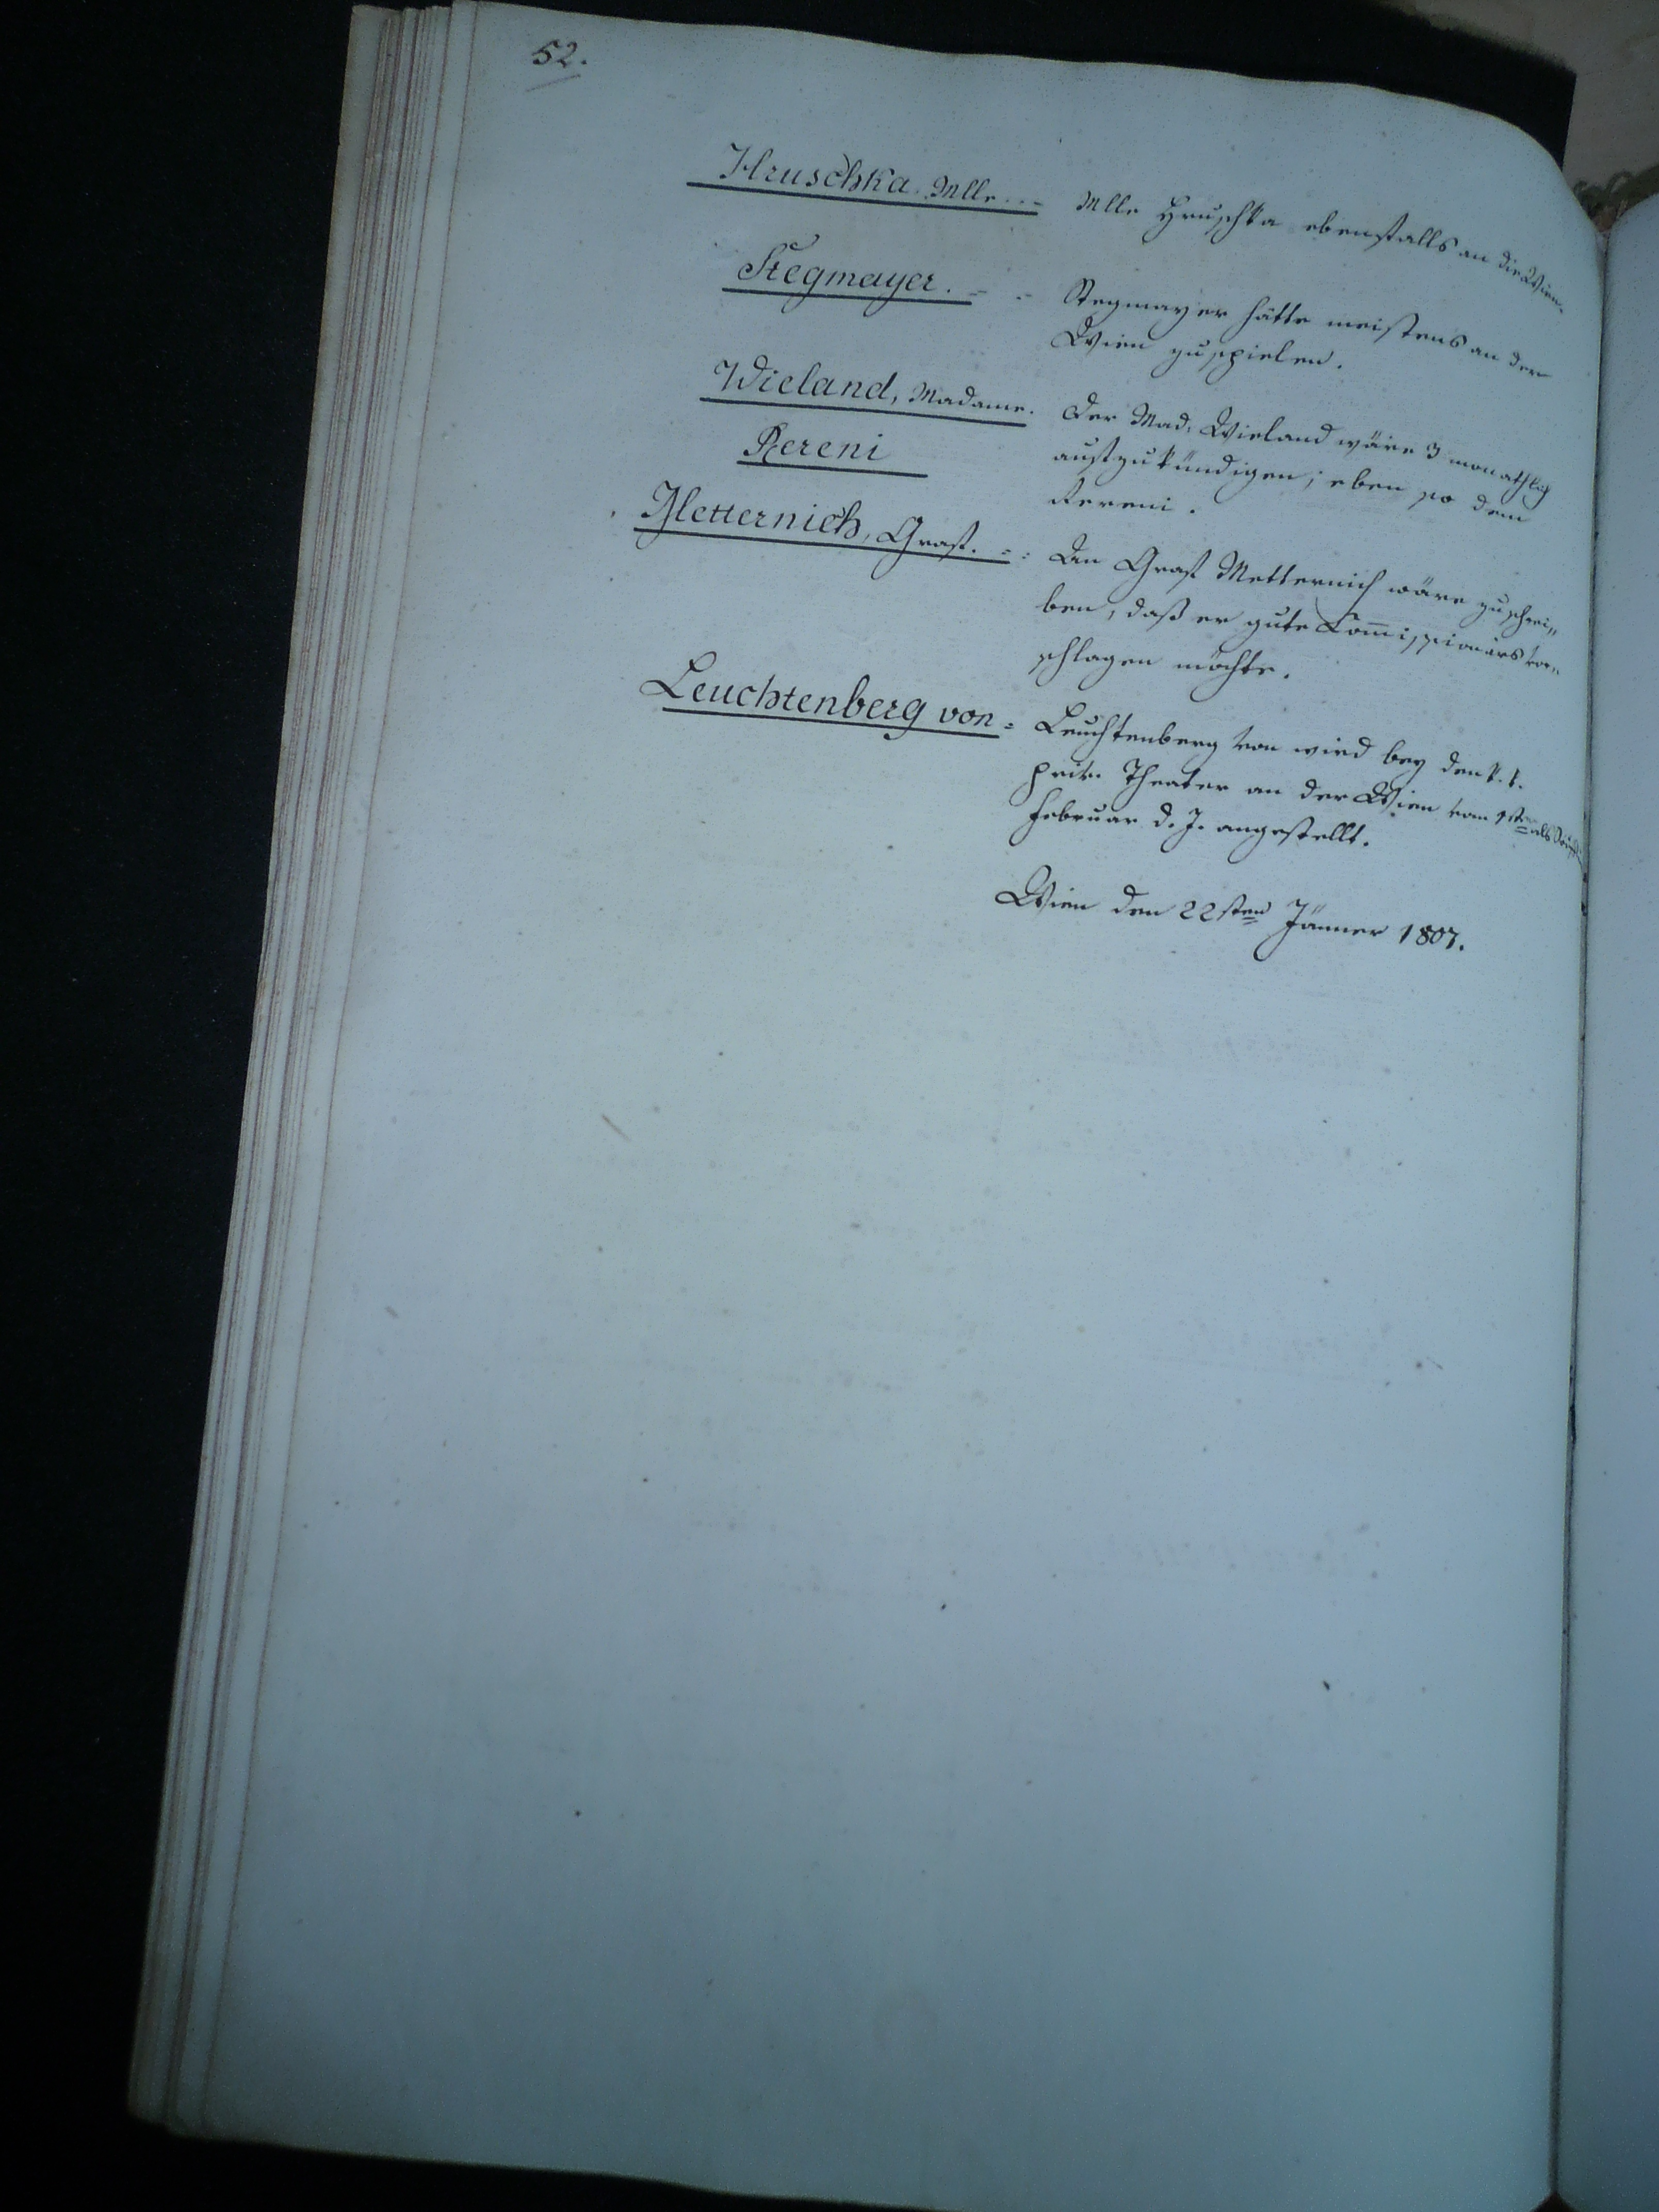52.
Hruschka Mlle . . . Mlle Hruschka ebenfalls an die Wien.
Stegmayer. : : Stegmayer hätte meistens an der
Wien zuspielen.
Wieland, Madame.
Rereni
Der Mad: Wieland wäre 3 monathlich
aufzukündigen, eben so dem
Rereni.
Metternich, Graf. : : An Graf Metternich wäre zu schrei¬
ben, daß er gute Comissionärs vor¬
schlagen möchte.
Leuchtenberg von : Leuchtenberg von wird bey den k.k.
priv. Theater an der Wien vom 1ste͇n als Souffleur
Februar d. J. angestellt.
Wien den 22ste͇n Jänner 1807.